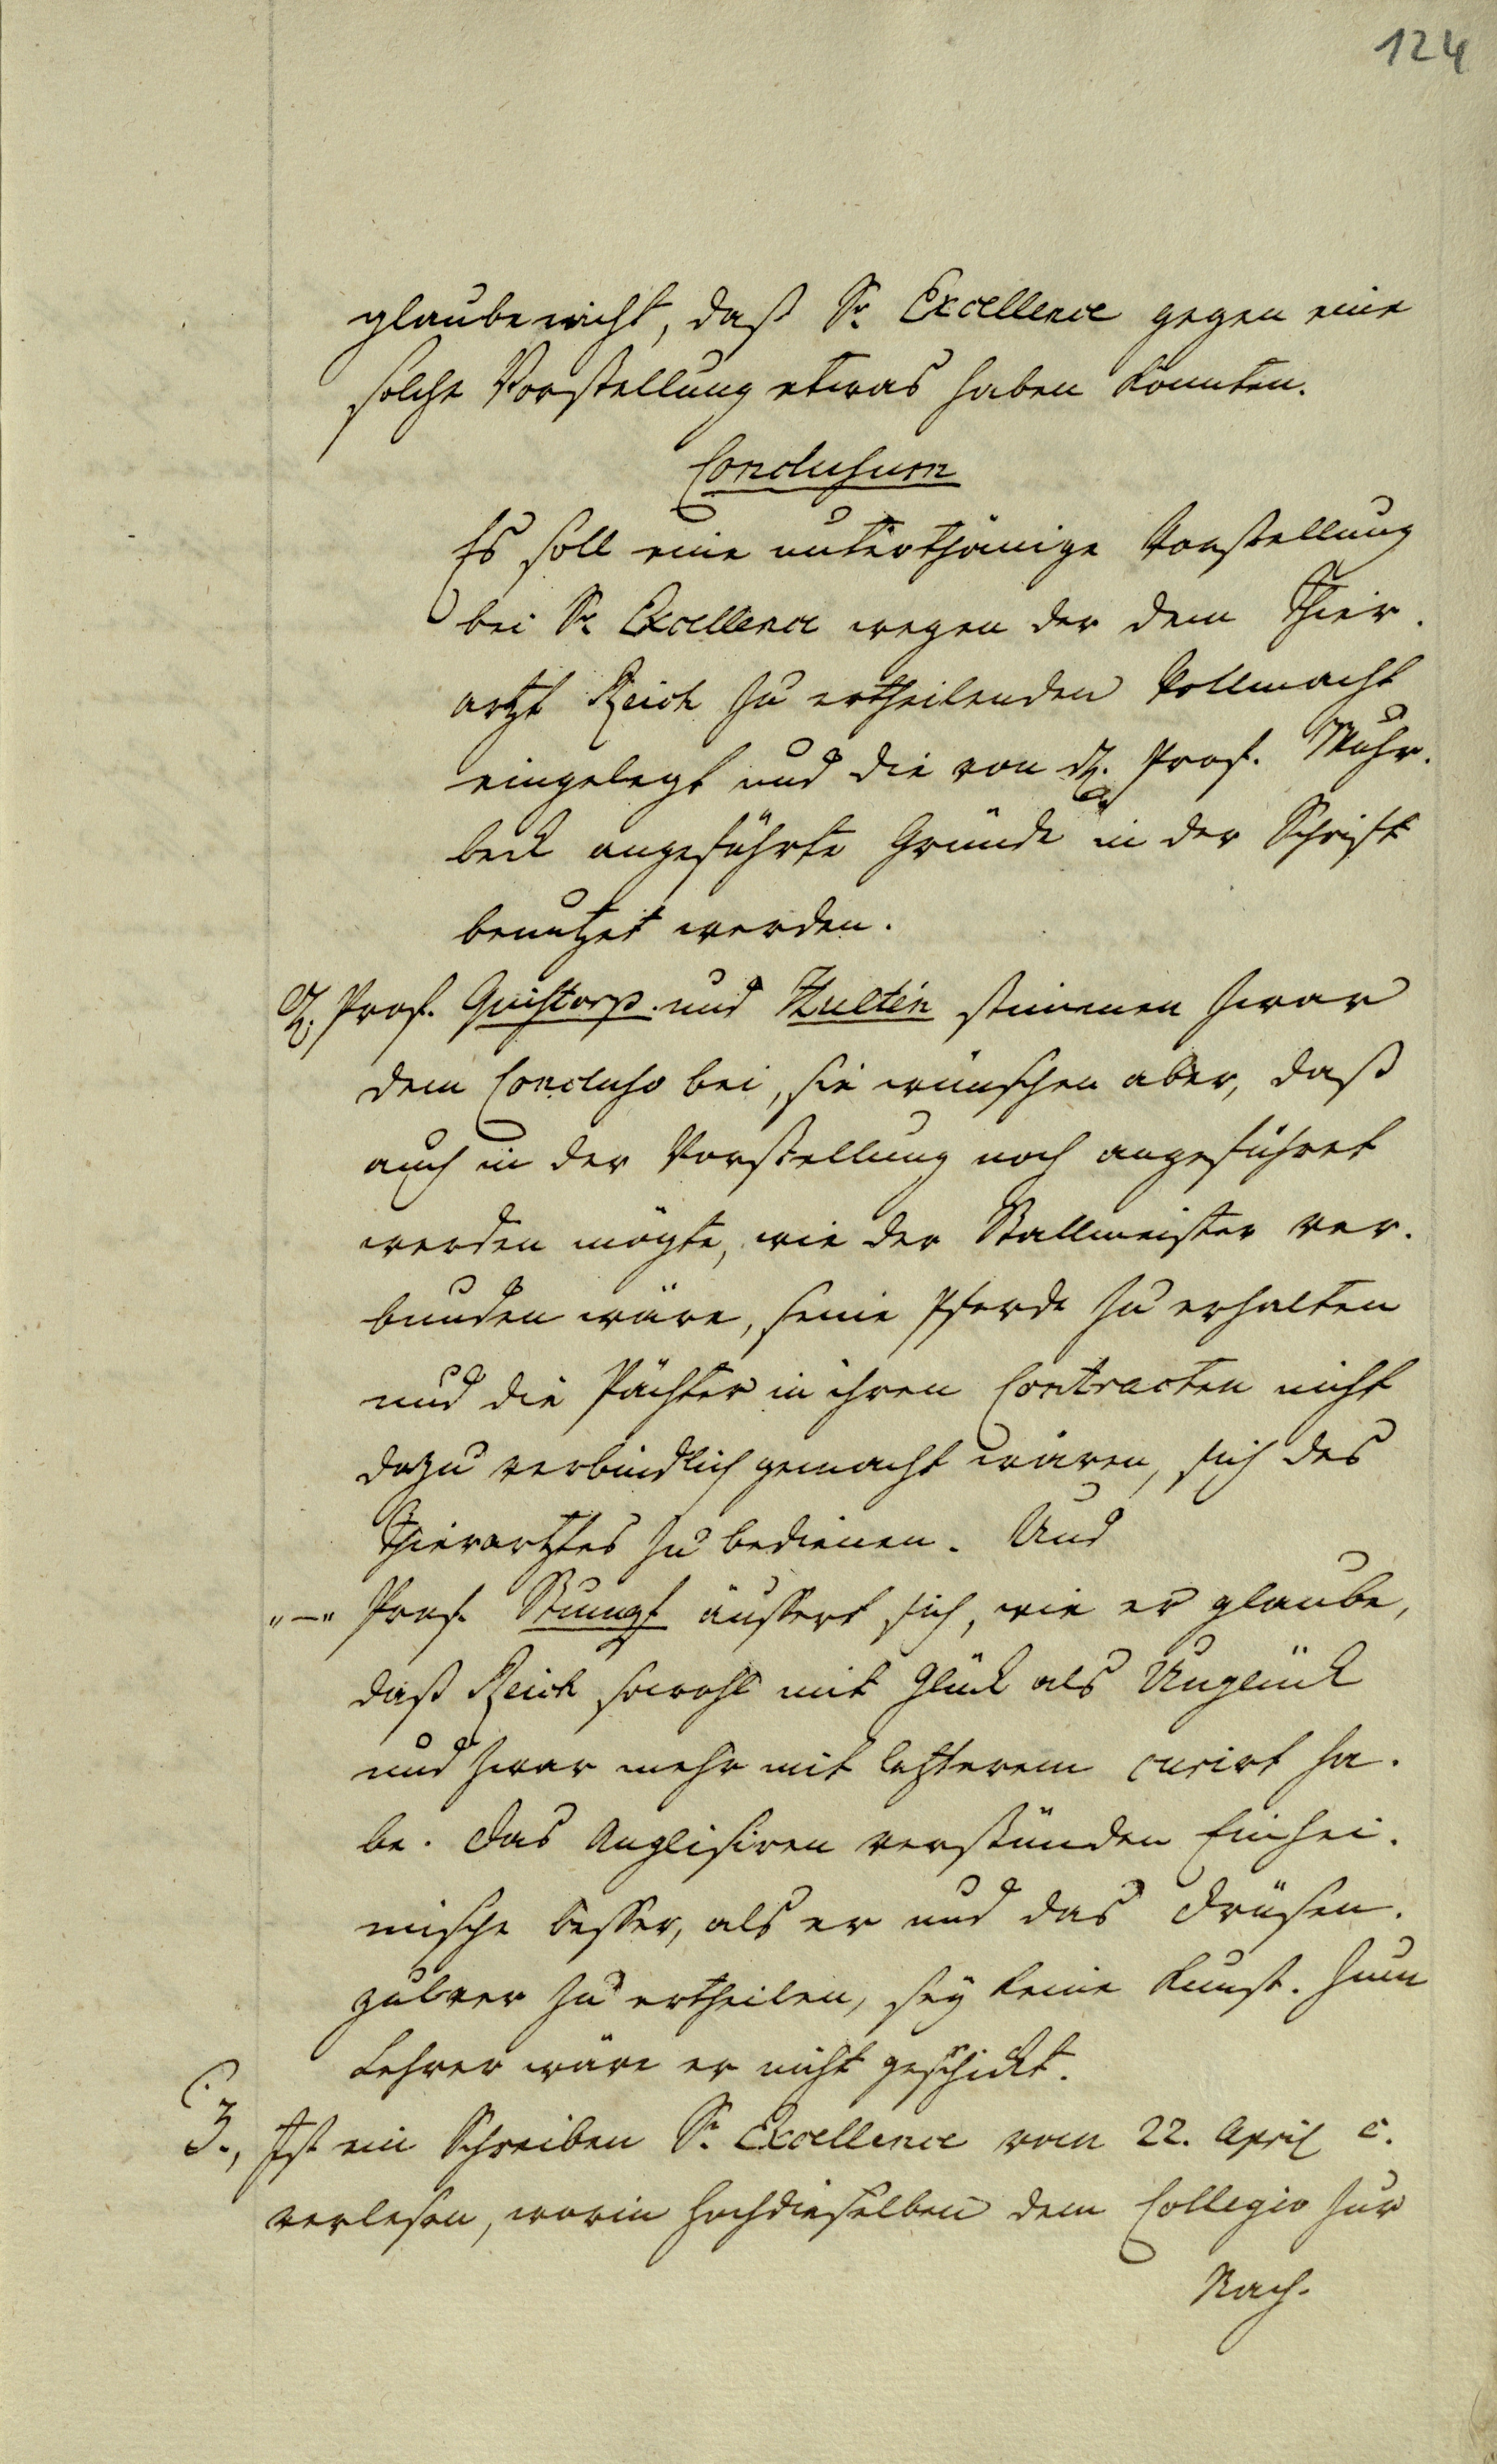glaube nicht, daß Sr Excellence gegen eine
solche Vorstellung etwas haben könnten.
Conclusum
Es soll eine unterthänige Vorstellung
bei Sr Excellence wegen der dem Thier¬
artzt Reich zu ertheilenden Vollmacht
eingelegt und die von dh. Prof. Muhr¬
beck angeführte Gründe in der Schrift
benutzet werden.
dh. Prof. Quistorp und Hultén stimmen zwar
dem Concluso bei, sie wünschen aber, daß
auch in der Vorstellung noch angeführet
werden mögte, wie der Stallmeister ver¬
bunden wäre, seine Pferde zu erhalten
und die Pächter in ihren Contracten nicht
dazu verbindlich gemacht wären, sich des
Thierartztes zu bedienen. Und
Prof. Stumpf äussert sich, wie er glaube,
daß Reich sowohl mit Glück als Unglück
und zwar mehr mit letzterem curirt ha¬
be. Das Anglisiren verstünden Einhei¬
mische besser, als er und das Drüsen¬
pulver zu ertheilen, seÿ keine Kunst. Zum
Lehrer wäre er nicht geschickt.
3., Ist ein Schreiben Sr Excellence vom 22. April c.
verlesen, worin Hochdieselben dem Collegio zur
Nach¬